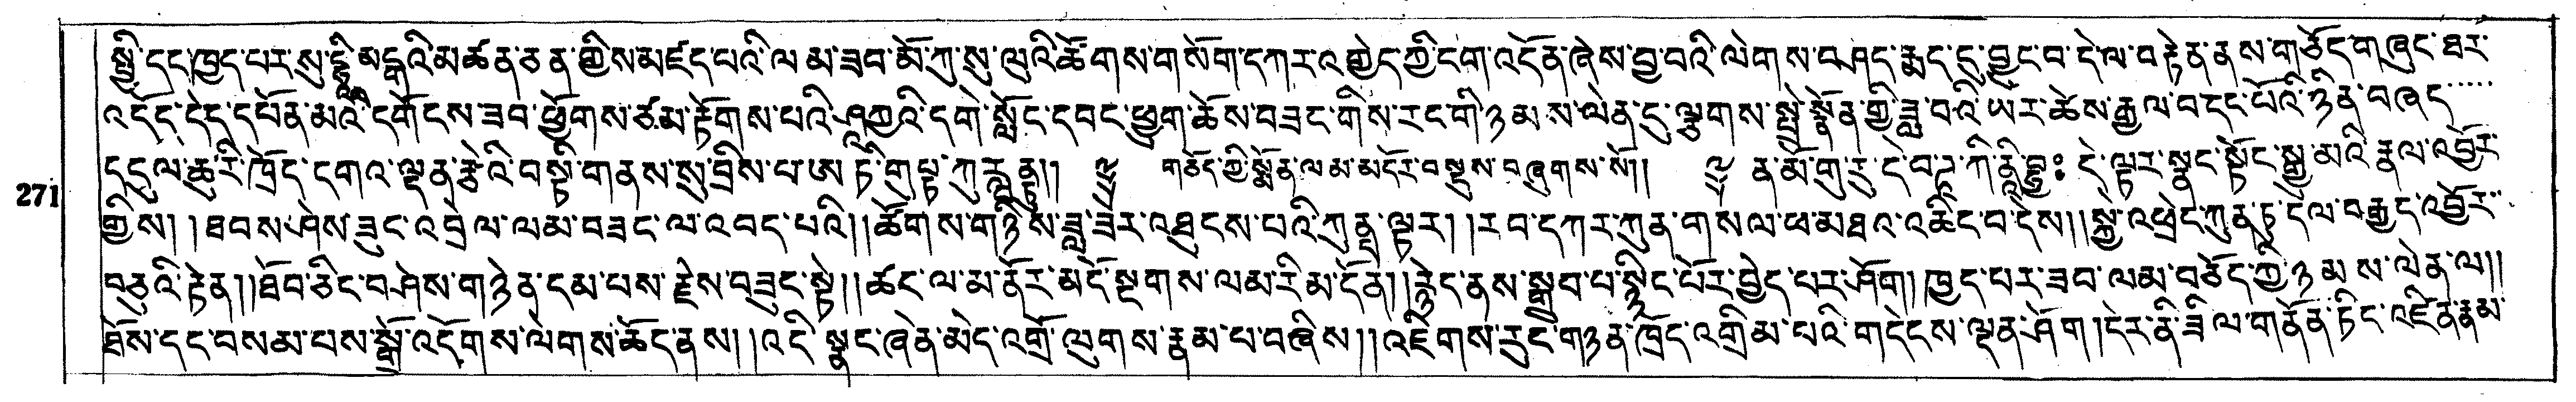སྤྱི་དང་ཁྱད་པར་སུ་དྷཱི་?་མངྒའི་མཚན་ཅན་གྱིས་མཛད་པའི་ལམ་ཟབ་མོ་ཀུ་སུ་ལུའི་ཚོགས་གསོག་དཀར་འགྱེད་ཀྱི་ངག་འདོན་ཞེས་བྱ་བའི་ལེགས་བཤད་རྨད་དུ་བྱུང་བ་དེ་ལ་བརྟེན་ནས་གཅོད་གཞུང་ཐར་
འདོད་དེད་དཔོན་མའི་དགོངས་ཟབ་ཕྱོགས་ཙམ་རྟོགས་པའི་ཤཱཀྱའི་དགེ་སློང་དབང་ཕྱུག་ཆོས་བཟང་གིས་རང་གི་ཉམས་ལེན་དུ་ལྕགས་སྤྲེ་སྣོན་གྱི་ཟླ་བའི་ཡར་ཚེས་རྒྱལ་བ་དང་པོའི་ཉིན་བཞད་
དངུལ་ཆུ་རི་ཁྲོད་དགའ་ལྡན་རྩེའི་བསྟི་གནས་སུ་བྲིས་པ་ཨ་ཏི་གུཔྟ་ཀུརྭནྟུ།། ༈ གཅོད་ཀྱི་སྨོན་ལམ་མདོར་བསྡུས་བཞུགས་སོ་།། ༈ ན་མོ་གུ་རུ་དེ་བ་དྷཱ་ཀི་ནིའི་བྷྱཿ དེ་ལྟར་སྣང་སྟོང་སྒྱུ་མའི་རྣལ་འབྱོར་
གྱིས། །ཐབས་ཤེས་ཟུང་འབྲེལ་ལམ་བཟང་ལ་འབད་པའི། །ཚོགས་གཉིས་ཟླ་ཟེར་འཐུངས་པའི་ཀུནྡ་ལྟར། །རབ་དཀར་ཀུན་གསལ་ཕ་མཐའ་འཆིང་བ་དེས། །སྐྱེ་འཕྲེང་ཀུན་ཏུ་དལ་བརྒྱད་འབྱོར་
བཅུའི་རྟེན། །ཐོབ་ཅིང་བཤེས་གཉེན་དམ་པས་རྗེས་བཟུང་སྟེ། །ཚང་ལ་མ་ནོར་མདོ་སྔགས་ལམ་རིམ་དོན། །རྙེད་ནས་སྒྲུབ་པ་སྙིང་པོར་བྱེད་པར་ཤོག །ཁྱད་པར་ཟབ་ལམ་བཅོད་ཀྱི་ཉམས་ལེན་ལ།།
ཐོས་དང་བསམ་པས་སྒྲོ་འདོགས་ལེགས་ཆོད་ནས། །འདི་སྣང་ཞེན་མེད་འགྲོ་ལུགས་རྣམ་པ་བཞིས། །འཇིགས་རུང་གཉན་ཁྲོད་འགྲིམ་པའི་གདེངས་ལྡན་ཤོག །དེར་ནི་ཟིལ་གནོན་ཏིང་འཛིན་རྣམ་